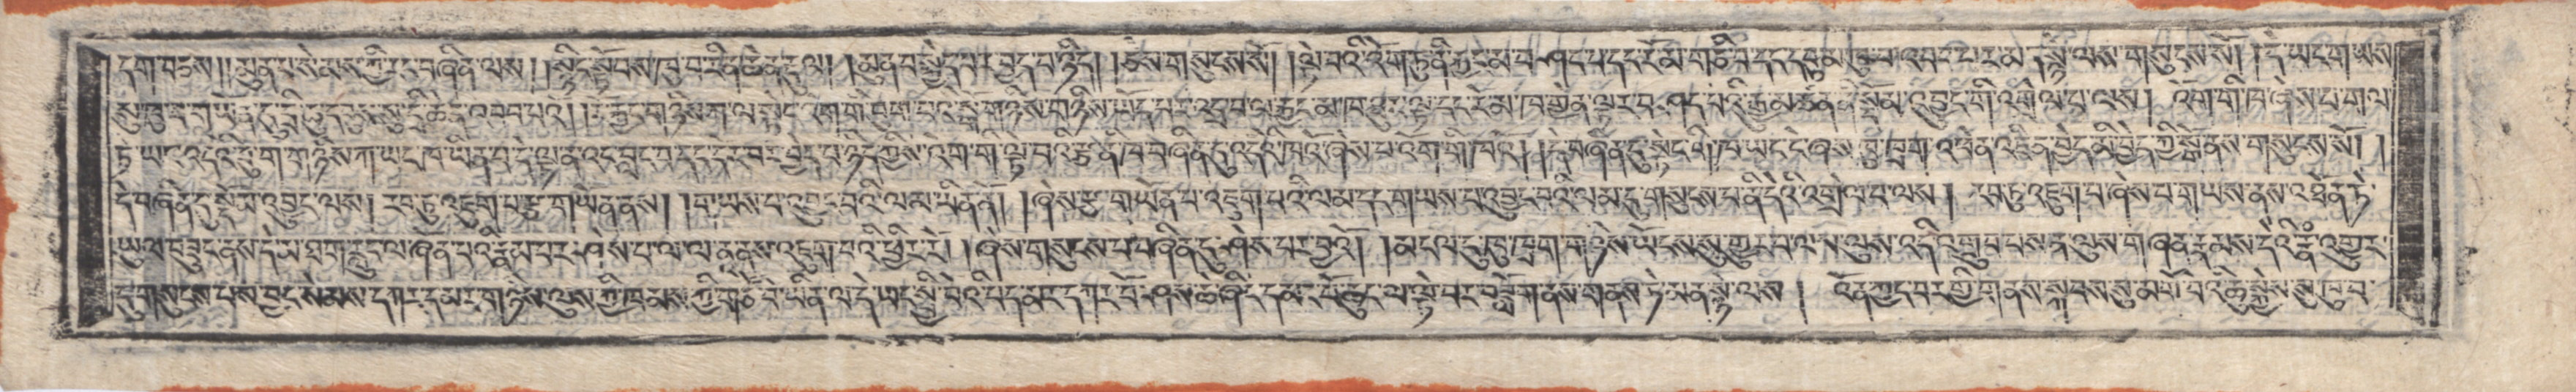དག་བཅས། །མུན་པ་སེམས་ཀྱི་རང་བཞིན་ལས། །སྙིང་སྟོབས་ཁུ་བ་རིན་ཆེན་རྡུལ། །མུན་པ་སྐྱེད་པར་བྱེད་པ་ཉིད། །ཅེས་གསུངས་སོ། །ལྟེ་བའི་འོག་ཏུ་ནི་རྐྱང་མ་བཤད་པ་དང་རོ་མ་གཅི་བ་དང་དབུ་མ་ཁུ་བ་འབབ་པར་མན་སྙེ་ལས་གསུངས་སོ། །དེ་ཡང་གཡས་
སུ་ཁུ་བ་གཡོན་དུ་དྲི་ཆུ་དབུས་སུ་དྲི་ཆེན་འབབ་པའོ། །རོ་རྐྱང་གཉིས་ཀ་ལ་སྟེང་འོག་གི་བུག་པའི་སྒོ་གཉིས་གཉིས་ཡོད་པར་འདྲ་བ་ལ་རྐྱང་མ་ཁ་ཐུར་ལྟ་དང་རེ་མ་ཁ་གྱེན་ལྟར་བཤད་པའི་རྒྱུ་མཚན་ནི་སྡོམ་འབྱུང་གི་འགྲེལ་པ་ལས། འོག་གི་ཁ་ཞེས་པ་གལ་
ཏེ་ཡང་འདིའི་བུ་ག་གཉིས་ཀ་ཡང་ཁ་ཡིན་པ་དེ་ལྟ་ན་འང་བླང་བ་དང་དོར་བར་བྱེད་པ་ཉིད་ཀྱིས་འོག་གི་ལྟེ་བའི་རྩ་ནི་ཁ་བཞིན་དུ་འདིའི་ཁའོ་ཞེས་པ་འོག་གི་ཁའོ། །དེ་བཞིན་དུ་སྟེང་གི་ཁ་ཡང་ངོ་ཞེས་ཁུ་ཁྲག་འཕེན་འཛིན་བྱེད་མི་བྱེད་ཀྱི་སྒོ་ནས་གསུངས་སོ། །
དེ་བཞིན་དུ་སྡོམ་འབྱུང་ལས། རབ་ཏུ་འཇུག་པ་རྩ་གཡོན་ནས། །གཡས་པ་འབྱུང་བའི་ལམ་ཡིན་ནོ། །ཞེས་རྩ་གཡོན་པ་འཇུག་པའི་ལམ་དང་གཡས་པ་འབྱུང་བའི་ལམ་དུ་གསུངས་པ་ནི་དེའི་འགྲེལ་པ་ལས། རབ་ཏུ་འཇུག་པ་ཞེས་པ་གཡས་ནས་འཐོན་ཏེ་
ཡུལ་བཟུང་ནས་དེ་མ་ཐག་རླུང་ལ་ཞོན་པའི་རྣམ་པར་ཤེས་པ་ལ་ལ་ནཱ་ནས་འཇུག་པའི་ཕྱིར་རོ། །ཞེས་གསུངས་པ་བཞིན་དུ་ཤེས་པར་བྱའོ། །མངལ་དུ་ཁུ་ཁྲག་གཉིས་ཡོངས་སུ་གྱུར་པ་ལས་ལུས་འདི་འགྲུབ་པས་ན་ལུས་གཞན་རྣམས་དེའི་རྣཾ་འགྱུར་
དུ་གསུངས་པས་བྱང་སེམས་དཀར་དམར་གཉིས་ལུས་ཀྱི་ཁམས་ཀྱི་གཙོ་བོ་ཡིན་ལ་དེ་ཡང་སྤྱི་བོའི་པད་མར་དཀར་པོ་ཤས་ཆེ་ཞིང་དམར་པོ་ཆུང་ལ་ལྟེ་བར་བཟློག་ནས་གནས་ཏེ་མན་སྙེ་ལས། འོན་ཀྱང་བར་གྱི་གནས་སྐབས་སུ་མགོ་བོའི་ཆུ་སྐྱེས་སུ་ཁུ་བ་